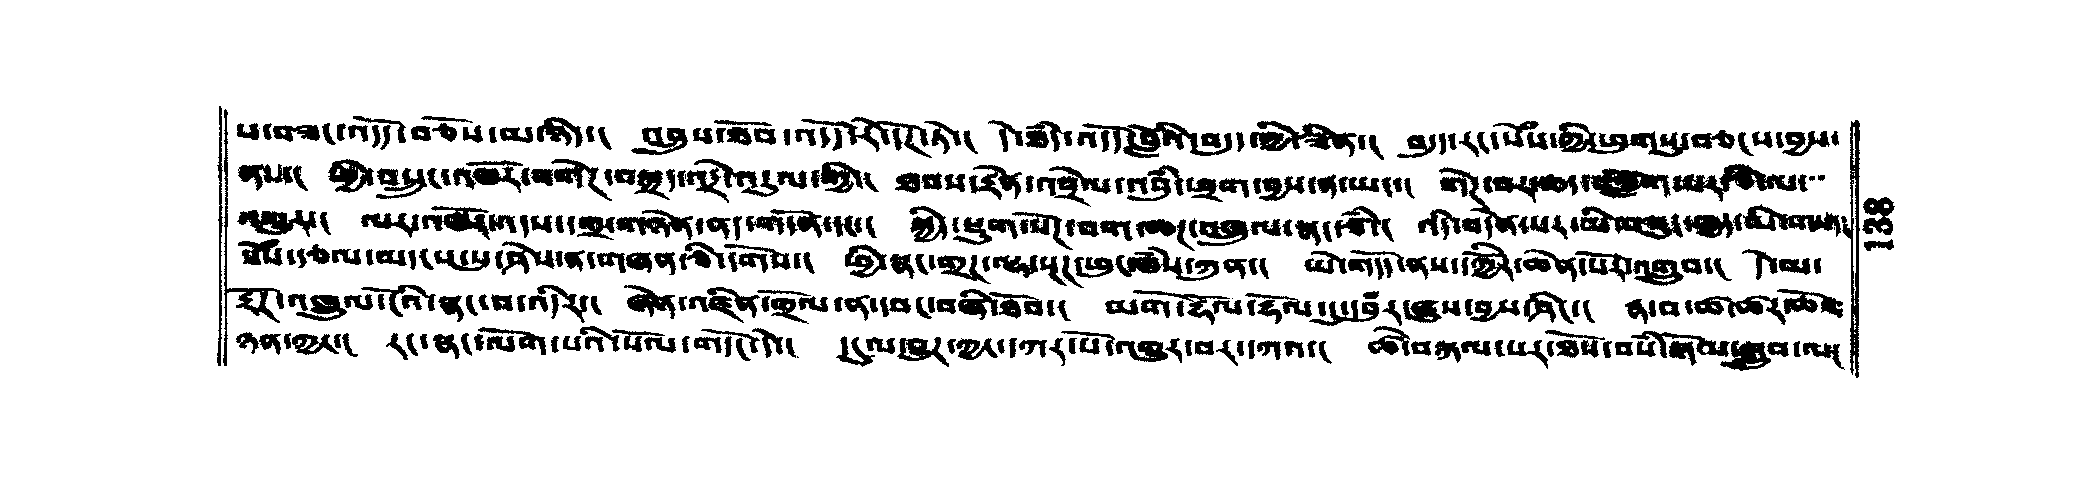པ་བཟང་འདོད་བཅོས་མ་ཉིད། །འབྲས་བུ་ཐོབ་འདོད་རེ་དོགས་ཏེ། །དེ་ཐམས་ཅད་འདོད་བློའི་བདུད་ཀྱི་ཟིན། །བདུད་རང་སེམས་ཀྱི་ཕུགས་སུ་བཅངས་བྱས་
ནས། །ཕྱི་བསྲུང་འཁོར་བགེགས་བསྐྲད་འདྲེ་འདུལ་གྱི། །ཐབས་རྟེན་འབྲེལ་འབུམ་ཕྲག་བྱས་ན་ཡང་། །གེགས་བར་ཆད་བཟློག་པར་ཅི་ལ་
འགྱུར། །ལར་འཁོར་འདས་དགྲ་གཉེན་ནད་གདོན་དང་། །སྐྱིད་སྡུག་སོགས་བག་ཆགས་འཁྲུལ་སྣང་ཙམ། །འདི་བདེན་པར་མི་བཟུང་ཁྱད་མི་གསད། །
སེམས་རྩལ་མདངས་སུ་ཤེས་ན་གཞན་ཅི་དགོས། །ཕྱི་སྣང་གྲགས་ལྷ་སྔགས་ཕུང་ཁམས་ཀུན། །ཡེ་གདོད་ནས་དཀྱིལ་འཁོར་ཆེན་པོར་འགྲུབ། །དེ་མ་
རྟོགས་འཁྲུལ་ངོའི་སྣང་བ་འདིར། །ཞེན་འཛིན་གྲོལ་ན་དབང་བཞི་ཐོབ། །མགོ་རྡོལ་རྡོལ་དུ་དབང་བསྐུར་ཞུས་བྱས་ཤིང་། །རྣ་བ་ཚ་ཚར་ཆོས་
ཉན་ཀྱང་། །རང་སྣང་ལོག་པའི་སོལ་གདོང་དེ།དངུལ་ཤུགས་ཀྱང་དཀར་པོ་འགྱུར་བར་དཀའ། །ཚེ་བསྐལ་པར་ཐོས་བསམ་སྒོམ་སྒྲུབ་ལ།